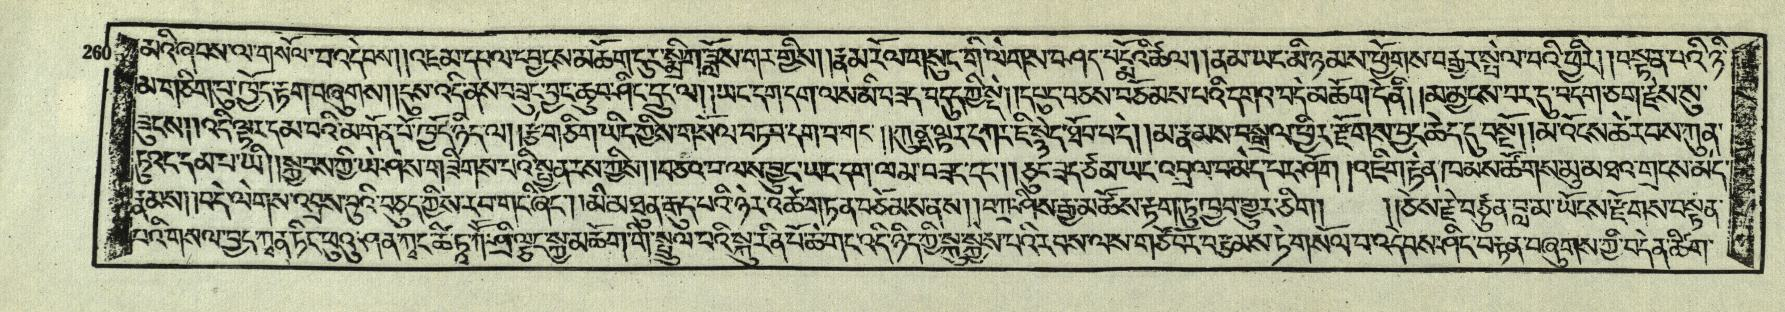མའི་ཞབས་ལ་གསོལ་བ་འདེབས། །འཇམ་དཔལ་དབྱངས་མཆོག་ངུར་སྨྲིག་ཟློས་གར་གྱིས། །རྣམ་རོལ་གསུང་གི་ལེགས་བཤད་པདམོའི་ཚལ། །ནམ་ཡང་མི་ཉམས་ཕྱོགས་བརྒྱར་སྤེལ་བའི་ཕྱིར། །བསྟན་པའི་ཉི་
མ་གཅིག་པུ་ཁྱོད་རྟག་བཞུགས། །དུས་འདི་ནས་བཟུང་བྱང་ཆུབ་ཤིང་དྲུང་ལ། །ཡང་དག་དག་ལས་མི་བཟད་བདུད་ཀྱི་སྡེ། །དཔུང་བཅས་བཅོམས་པའི་དགའ་བདེ་མཆོག་དེ་ནི། །མ་མྱངས་བར་དུ་བདག་ཅག་རྗེས་སུ་
ཟུངས། །འདི་ལྟར་དམ་པའི་མགོན་པོ་ཁྱོད་ཉིད་ལ། །རྩེ་གཅིག་ཡིད་ཀྱིས་གསོལ་བཏབ་དག་བ་གང་། །ཀུནྡ་ལྟར་དཀར་ཇི་སྙེད་ཐོབ་པ་དེ། །མ་རྣམས་བསྒྲལ་ཕྱིར་རྫོགས་བྱང་ཆེད་དུ་བསྔོ། །མ་འོངས་ཚེ་རབས་ཀུན་
ཏུའང་དམ་པ་ཡི། །སྐྱབས་ཀྱི་ཡེ་ཤེས་གཟིགས་པའི་སྤྱན་རས་ཀྱིས། །བཅའ་བ་ལས་བྱུང་ཡང་དག་ལམ་བཟང་དང་། །ཅུང་ཟད་ཙམ་ཡང་འབྲལ་བ་མེད་པར་ཤོག །འཇིག་རྟེན་ཁམས་ཚོགས་མུ་མཐའ་གྲངས་མེད་
རྣམས། །བདེ་ལེགས་འབྲས་བུའི་བཅུད་ཀྱིས་རབ་གང་ཞིང་། །མི་མཐུན་རྒུད་པའི་ཉེར་འཚེ་གཏན་བཅོམས་ནས། །བཀྲ་ཤིས་རྒྱ་མཚོས་རྟག་ཏུ་ཁྱབ་གྱུར་ཅིག། །།ཅེས་རྗེ་བཙུན་བླ་མ་ཡོངས་རྫོགས་བསྟན་
པའི་གསལ་བྱད་ཀྭན་ཏིང་ཕུའུ་ཤན་ཀྭང་ཚི་ཏཱ་ཀཽ་ཤྲི་ལྕང་སྐྱ་མཆོག་གི་སྤྲུལ་པའི་སྐུ་རིན་པོ་ཆེ་གང་འདི་ཉིད་ཀྱི་སྐུ་སྐྱེས་པའི་རབས་ལས་གཙོ་བོར་བརྩམས་ཏེ་གསོལ་བ་འདེབས་ཤིང་བརྟན་བཞུགས་ཀྱི་བདེན་ཚིག་